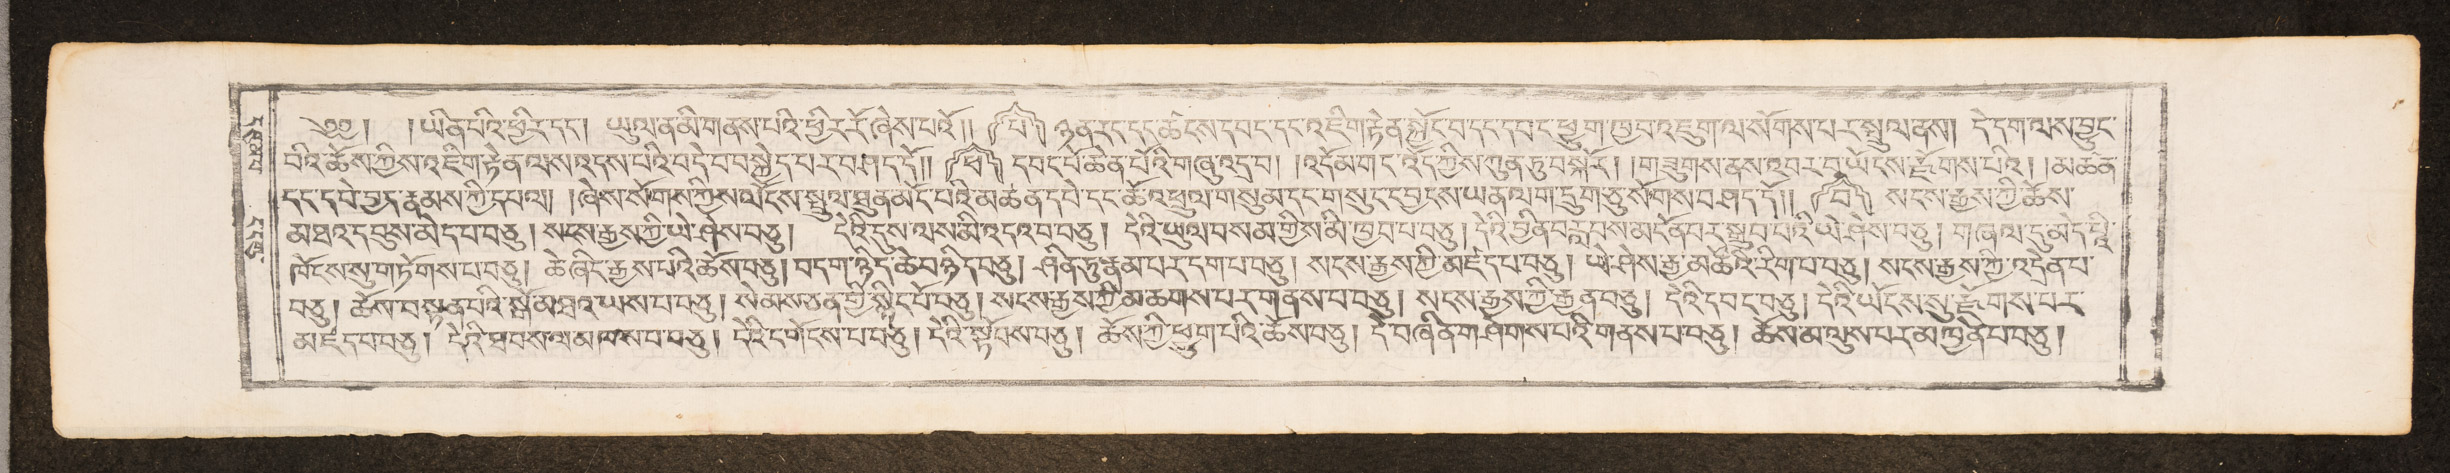༄༅། །ཡིན་པའི་ཕྱིར་དང་། ཡུལ་ན་མི་གནས་པའི་ཕྱིར་རོ་ཞེས་པའོ།། ༼༽པ༼༽ ཉན་རང་དང་ཚངས་དབང་དང་འཇིག་རྟེན་སྐྱོང་བ་དང་དབང་ཕྱུག་ཁྱབ་འཇུག་ལ་སོགས་པར་སྤྲུལ་ནས། དེ་དག་ལས་བྱུང་
བའི་ཆོས་ཀྱིས་འཇིག་རྟེན་ལས་འདས་པའི་བདེ་བ་བསྐྱེད་པར་བཤད་དོ།། ༼༽ཕ༼༽ དབང་པོ་ཆེན་པོའི་གཞུ་འདྲ་བ། །འདོམ་གང་འོད་ཀྱིས་ཀུན་ཏུ་བསྐོར། །གཟུགས་ནས་འབར་བ་ཡོངས་རྫོགས་པའི། །མཚན་
དང་དཔེ་བྱད་རྣམས་ཀྱི་དཔལ། །ཞེས་སོགས་ཀྱིས་ལོངས་སྤྲུལ་ཐུན་མེང་བའི་མཚན་དཔེ་དང་ཆོ་འཕྲུལ་གསུམ་དང་གསུང་དབྱངས་ཡན་ལག་དྲུག་ཅུ་སོགས་བཤད་དོ།། ༼༽བ༼༽ སངས་རྒྱས་ཀྱི་ཆོས་
མཐའ་དབུས་མེད་པ་བཅུ། སངས་རྒྱས་ཀྱི་ཡེ་ཤེས་བཅུ། དེའི་དུས་ལས་མི་འདའ་བ་བཅུ། དེའི་ཡུལ་བསམ་གྱིས་མི་ཁྱབ་པ་བཅུ། དེའི་བྱིན་བརླབས་མངོན་པར་སྒྲུབ་པའི་ཡེ་ཤེས་བཅུ། གཞལ་དུ་མེད་པཱི་
ཁོངས་སུ་གཏོགས་པ་བཅུ། ཆེ་ཞིང་རྒྱས་པའི་ཆོས་བཅུ། བདག་ཉིད་ཆེ་བ་ཉིད་བཅུ། ཤིན་ཏུ་རྣམ་པར་དག་པ་བཅུ། སངས་རྒྱས་ཀྱི་མཛད་པ་བཅུ། ཡེ་ཤེས་རྒྱ་མཚོའི་རིག་པ་བཅུ། སངས་རྒྱས་ཀྱི་འདྲེན་ཕ་
བཅུ། ཆོས་བསྟན་པའི་སྒོ་མཐའ་ཡས་པ་བཅུ། སེམས་ཅན་གྱི་སྙིང་པོ་བཅུ། སངས་རྒྱས་ཀྱི་མ་ཆགས་པར་གནས་པ་བཅུ། སངས་རྒྱས་ཀྱི་རྒྱན་བཅུ། དེའི་དབང་བཅུ། དེའི་ཡོངས་སུ་རྫོགས་པར་
མཛད་པ་བཅུ། དེའི་ཐབས་ལ་མཁས་པ་བཅུ། དེའི་དགོངས་པ་བཅུ། དེའི་སྟོབས་བཅུ། ཆོས་ཀྱི་ཕྱུག་པའི་ཆོས་བཅུ། དེ་བཞིན་གཤེགས་པའི་གནས་པ་བཅུ། ཆོས་མ་ལུས་པར་མཁྱེན་པ་བཅུ།